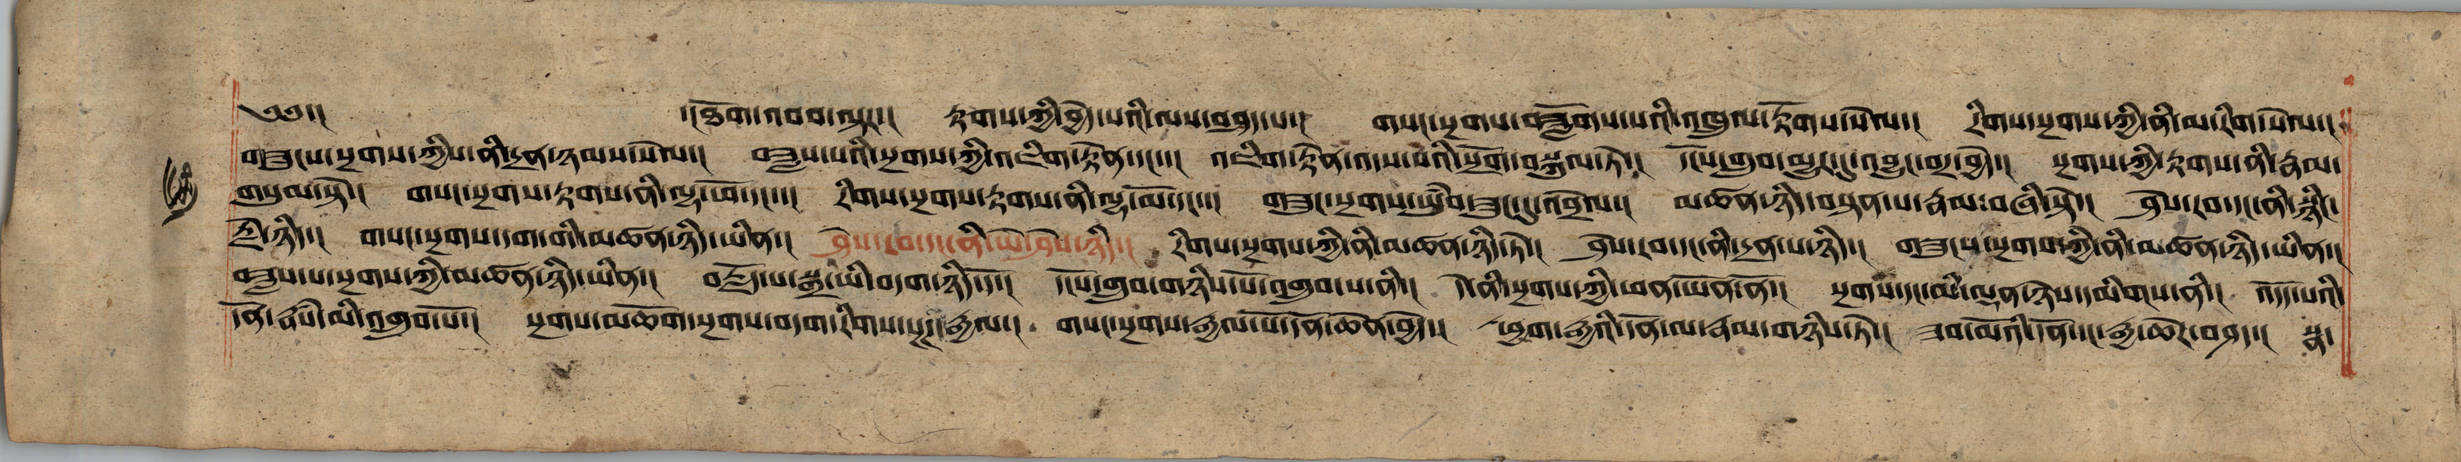༄༅་། ་།་ཐོག་འབབ་ལྟར་། རྟགས་ཀྱི་བྱེད་པའི་ལས་བཤད་པ་། གསང་སྔགས་བཟློགས་པའི་འཁྲུལ་རྟོགས་སེལ་། རིགས་སྔགས་ཀྱི་ནི་མ་རིག་སེལ་།
གཟུངས་སྔགས་ཀྱིས་ནི་དྲན་ཉམས་སེལ་། བཟླས་པའི་སྔགས་ཀྱི་འཇིག་རྟེན་དང་་། འཇིག་རྟེན་འདས་པའི་སྲོག་བསྐུལ་ཏེ་། དངོས་གྲུབ་མྱུར་དུ་འབྱུང་བར་བྱེད་། སྔགས་ཀྱི་རྟགས་ནི་རྣམ་
གསུམ་སྟེ་། གསང་སྔགས་རྟགས་ནི་ལྷ་ཕོ་དང་་། རིགས་སྔགས་རྟགས་ནི་ལྷ་མོ་དང་་། གཟུང་སྔགས་ཡུཾབ་ཟུང་དུ་འབྲེལ་། མཚན་ཉིད་བསྟན་པ་རྣམ་བཞི་སྟེ་། ཤེས་རབ་དང་ནི་སྙིང་
རྗེ་ཉིད་། གསང་སྔགས་དག་གི་མཚན་ཉིད་ཡིན་། ཤེས་རབ་དང་ནི་ཡེ་ཤེས་ཉིད་། རིགས་སྔགས་ཀྱི་ནི་མཚན་ཉིད་ཏེ་། ཤེས་རབ་དང་ནི་དྲན་པ་ཉིད་། གཟུངས་སྔགས་གྱི་ནི་མཚན་ཉིད་ཡིན་།
བཟླས་པ་སྔགས་ཀྱི་མཚན་ཉིད་ཡིན་། བརྗོད་པ་སྒྲ་ཡི་བདག་ཉིད་དོ་། དངོས་གྲུབ་གཉིས་པོ་འགྲུབ་པ་ནི་། དེ་ནི་སྔགས་ཀྱི་ཕན་ཡོན་ནོ་། སྔགས་དང་མི་ལྡན་ཉེས་དམིགས་ནི་། འདོད་པའི་
དོན་རྣཾས་མི་འགྲུབ་པོ་། སྔགས་མཆོག་སྔགས་བདག་རིགས་སྔཌ་རྒྱལ་། གསང་སྔགས་རྒྱལ་པོ་དོན་ཆེན་བྱེད་། ཕྱག་རྒྱའི་དོན་ལ་རྣམ་གཉིས་ཏེ་། ཟབ་མོའི་དོན་དང་རྒྱ་ཆེར་བཤད་། སྣ་